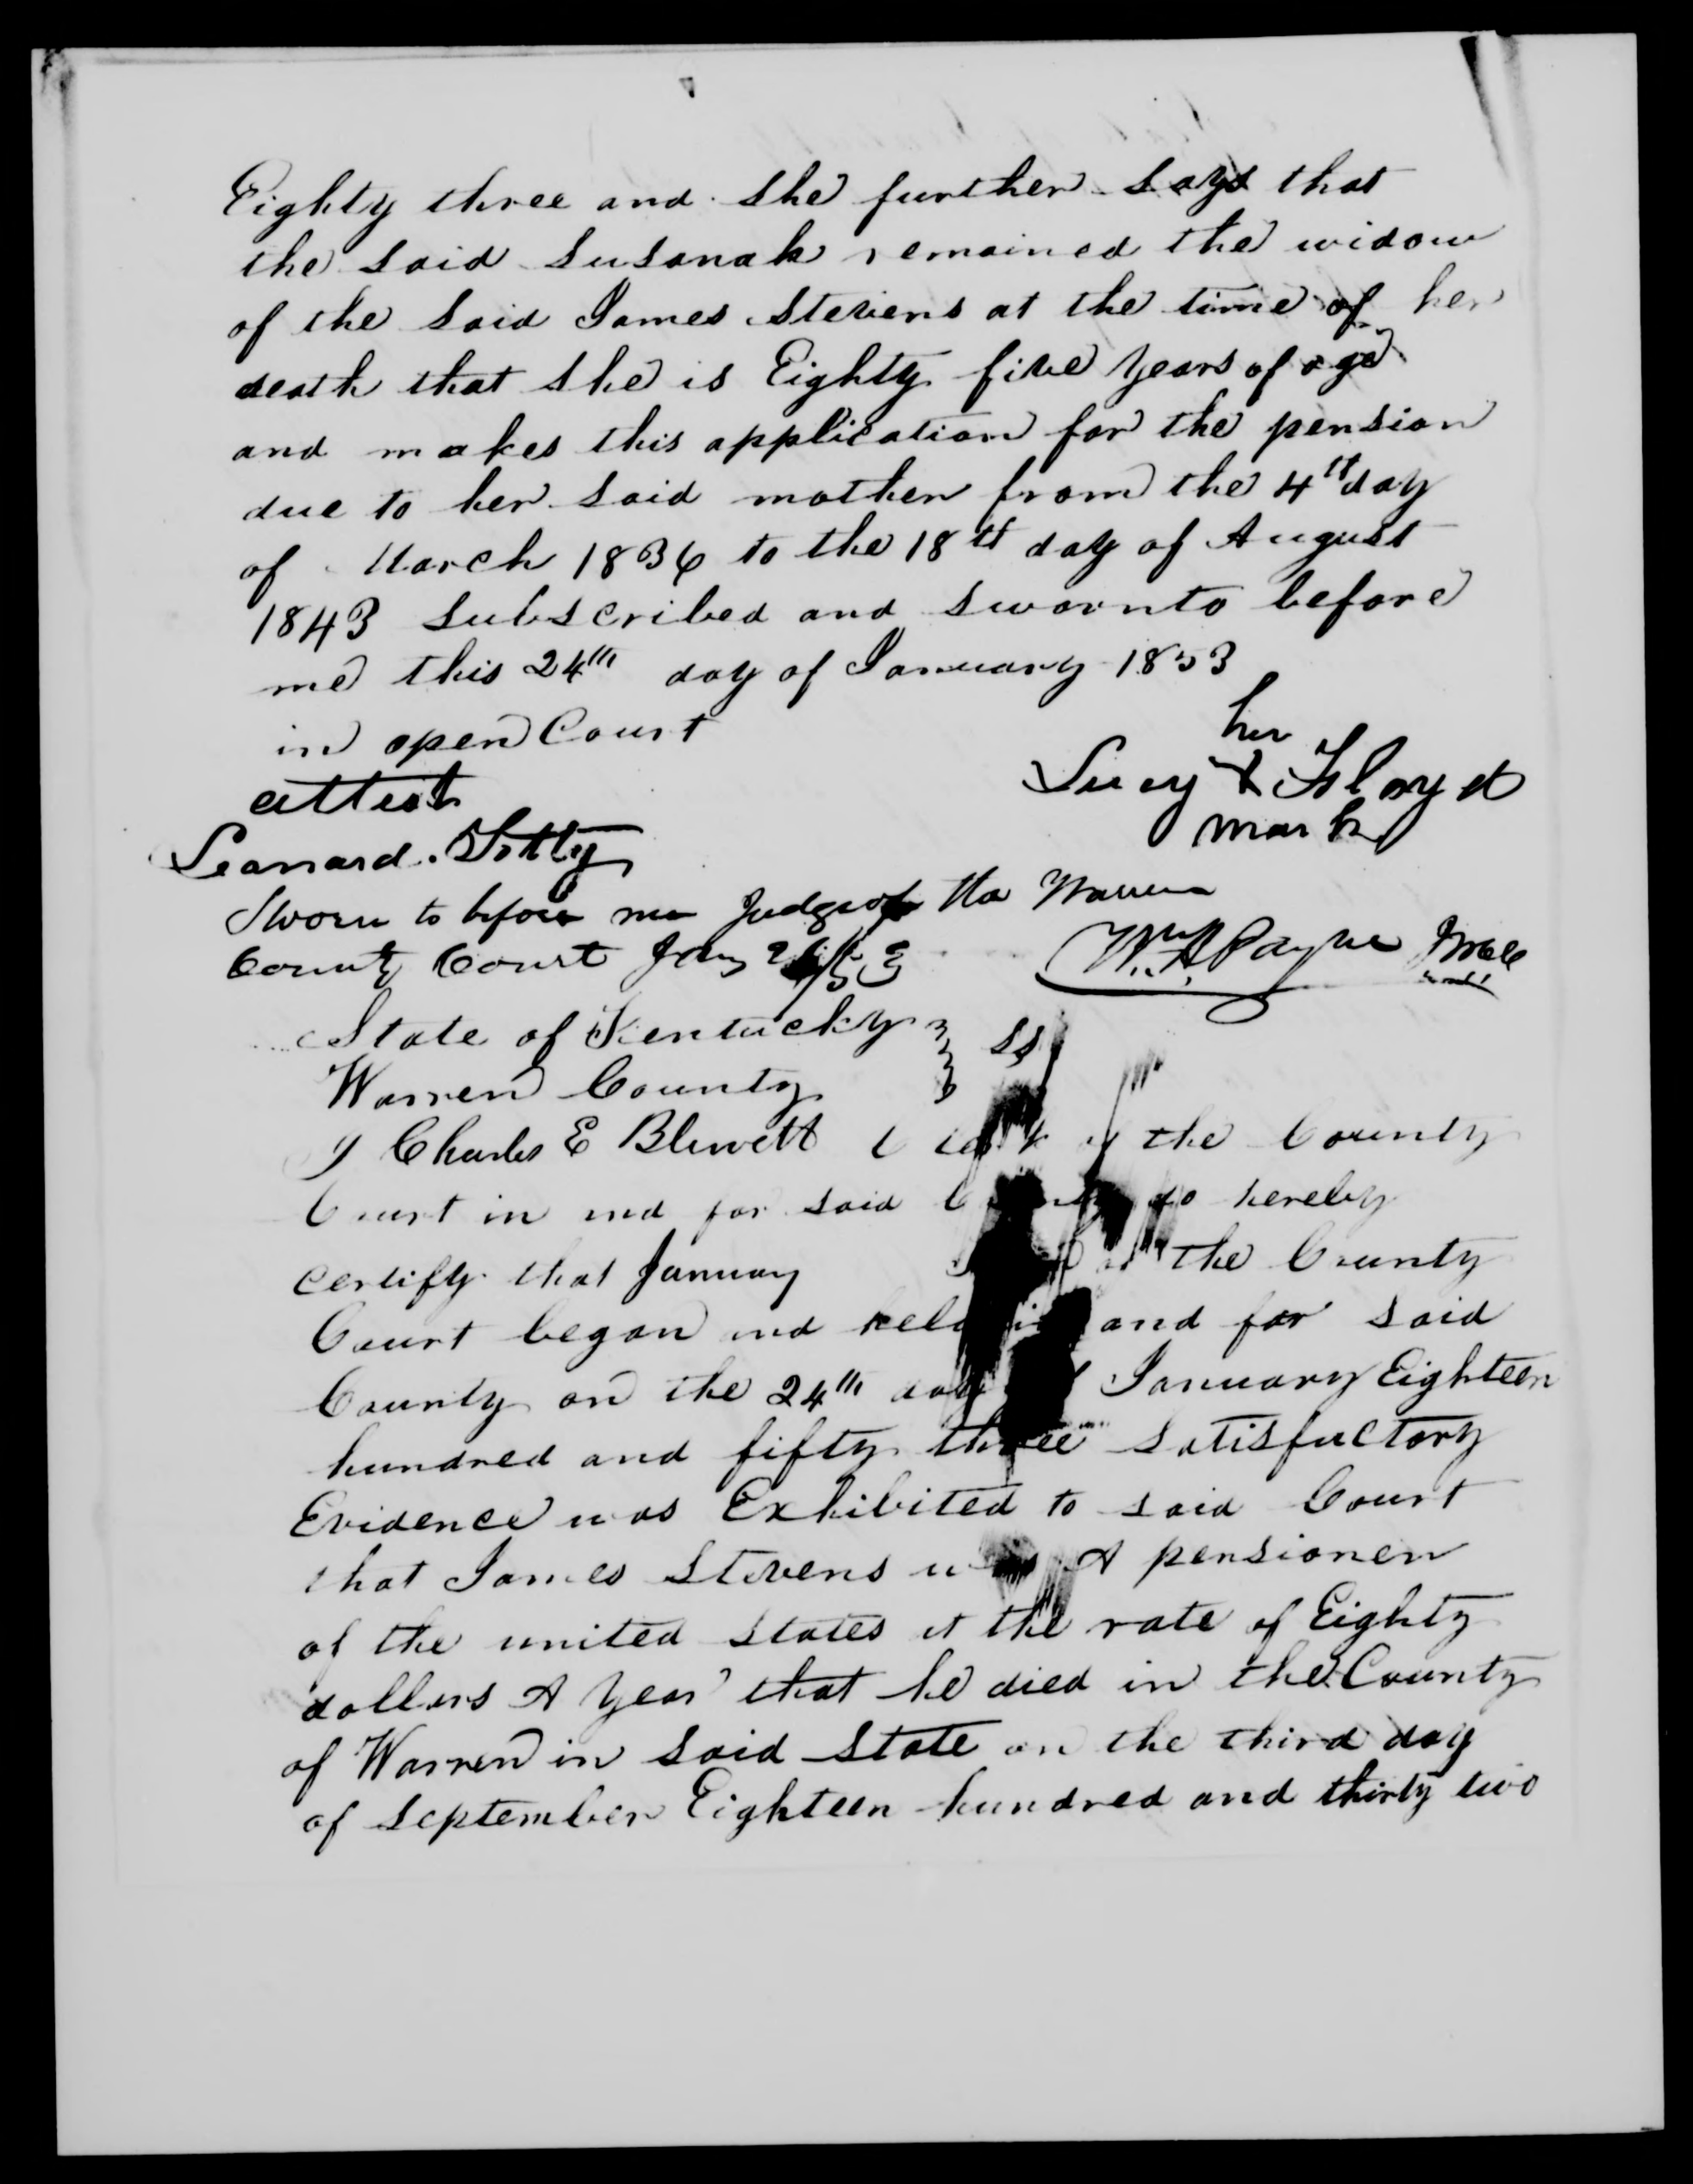eighty three and the further says that the
said Susanah remained the widow
the said James Stevens at the time of her
death that she is Eighty five years of age
and makes this application for the pension
due to her said mother from the 4th day
March 1836 to the 18th day of August
1843 Subscribed and sworn to before
me this 24th day of January 1853
in open Court
Attest
Leonard Sotty
Her Mark
Lucy Floyd
Sworn to before me Judge of the Warren
County Court Jan 1853
State of Kentucky
Warren County
W. Payne
I Charles E Blewett Clerk of the County
Court in and for said County hereby
certify that January [illegible] at the County
Court began and [illegible] and for said County on the 24th day of January Eighteen
hundred and fifty three satisfactory
Evidence was Exhibited to said Court
that James Stevens was a pensioner
of the United States at the rate of Eighty
dollars a year that he died in the County
of Warren in said State on the third day
of September Eighteen hundred and thirty two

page: 93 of 99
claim: widow's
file: W 8766, for James Stevens, Virginia